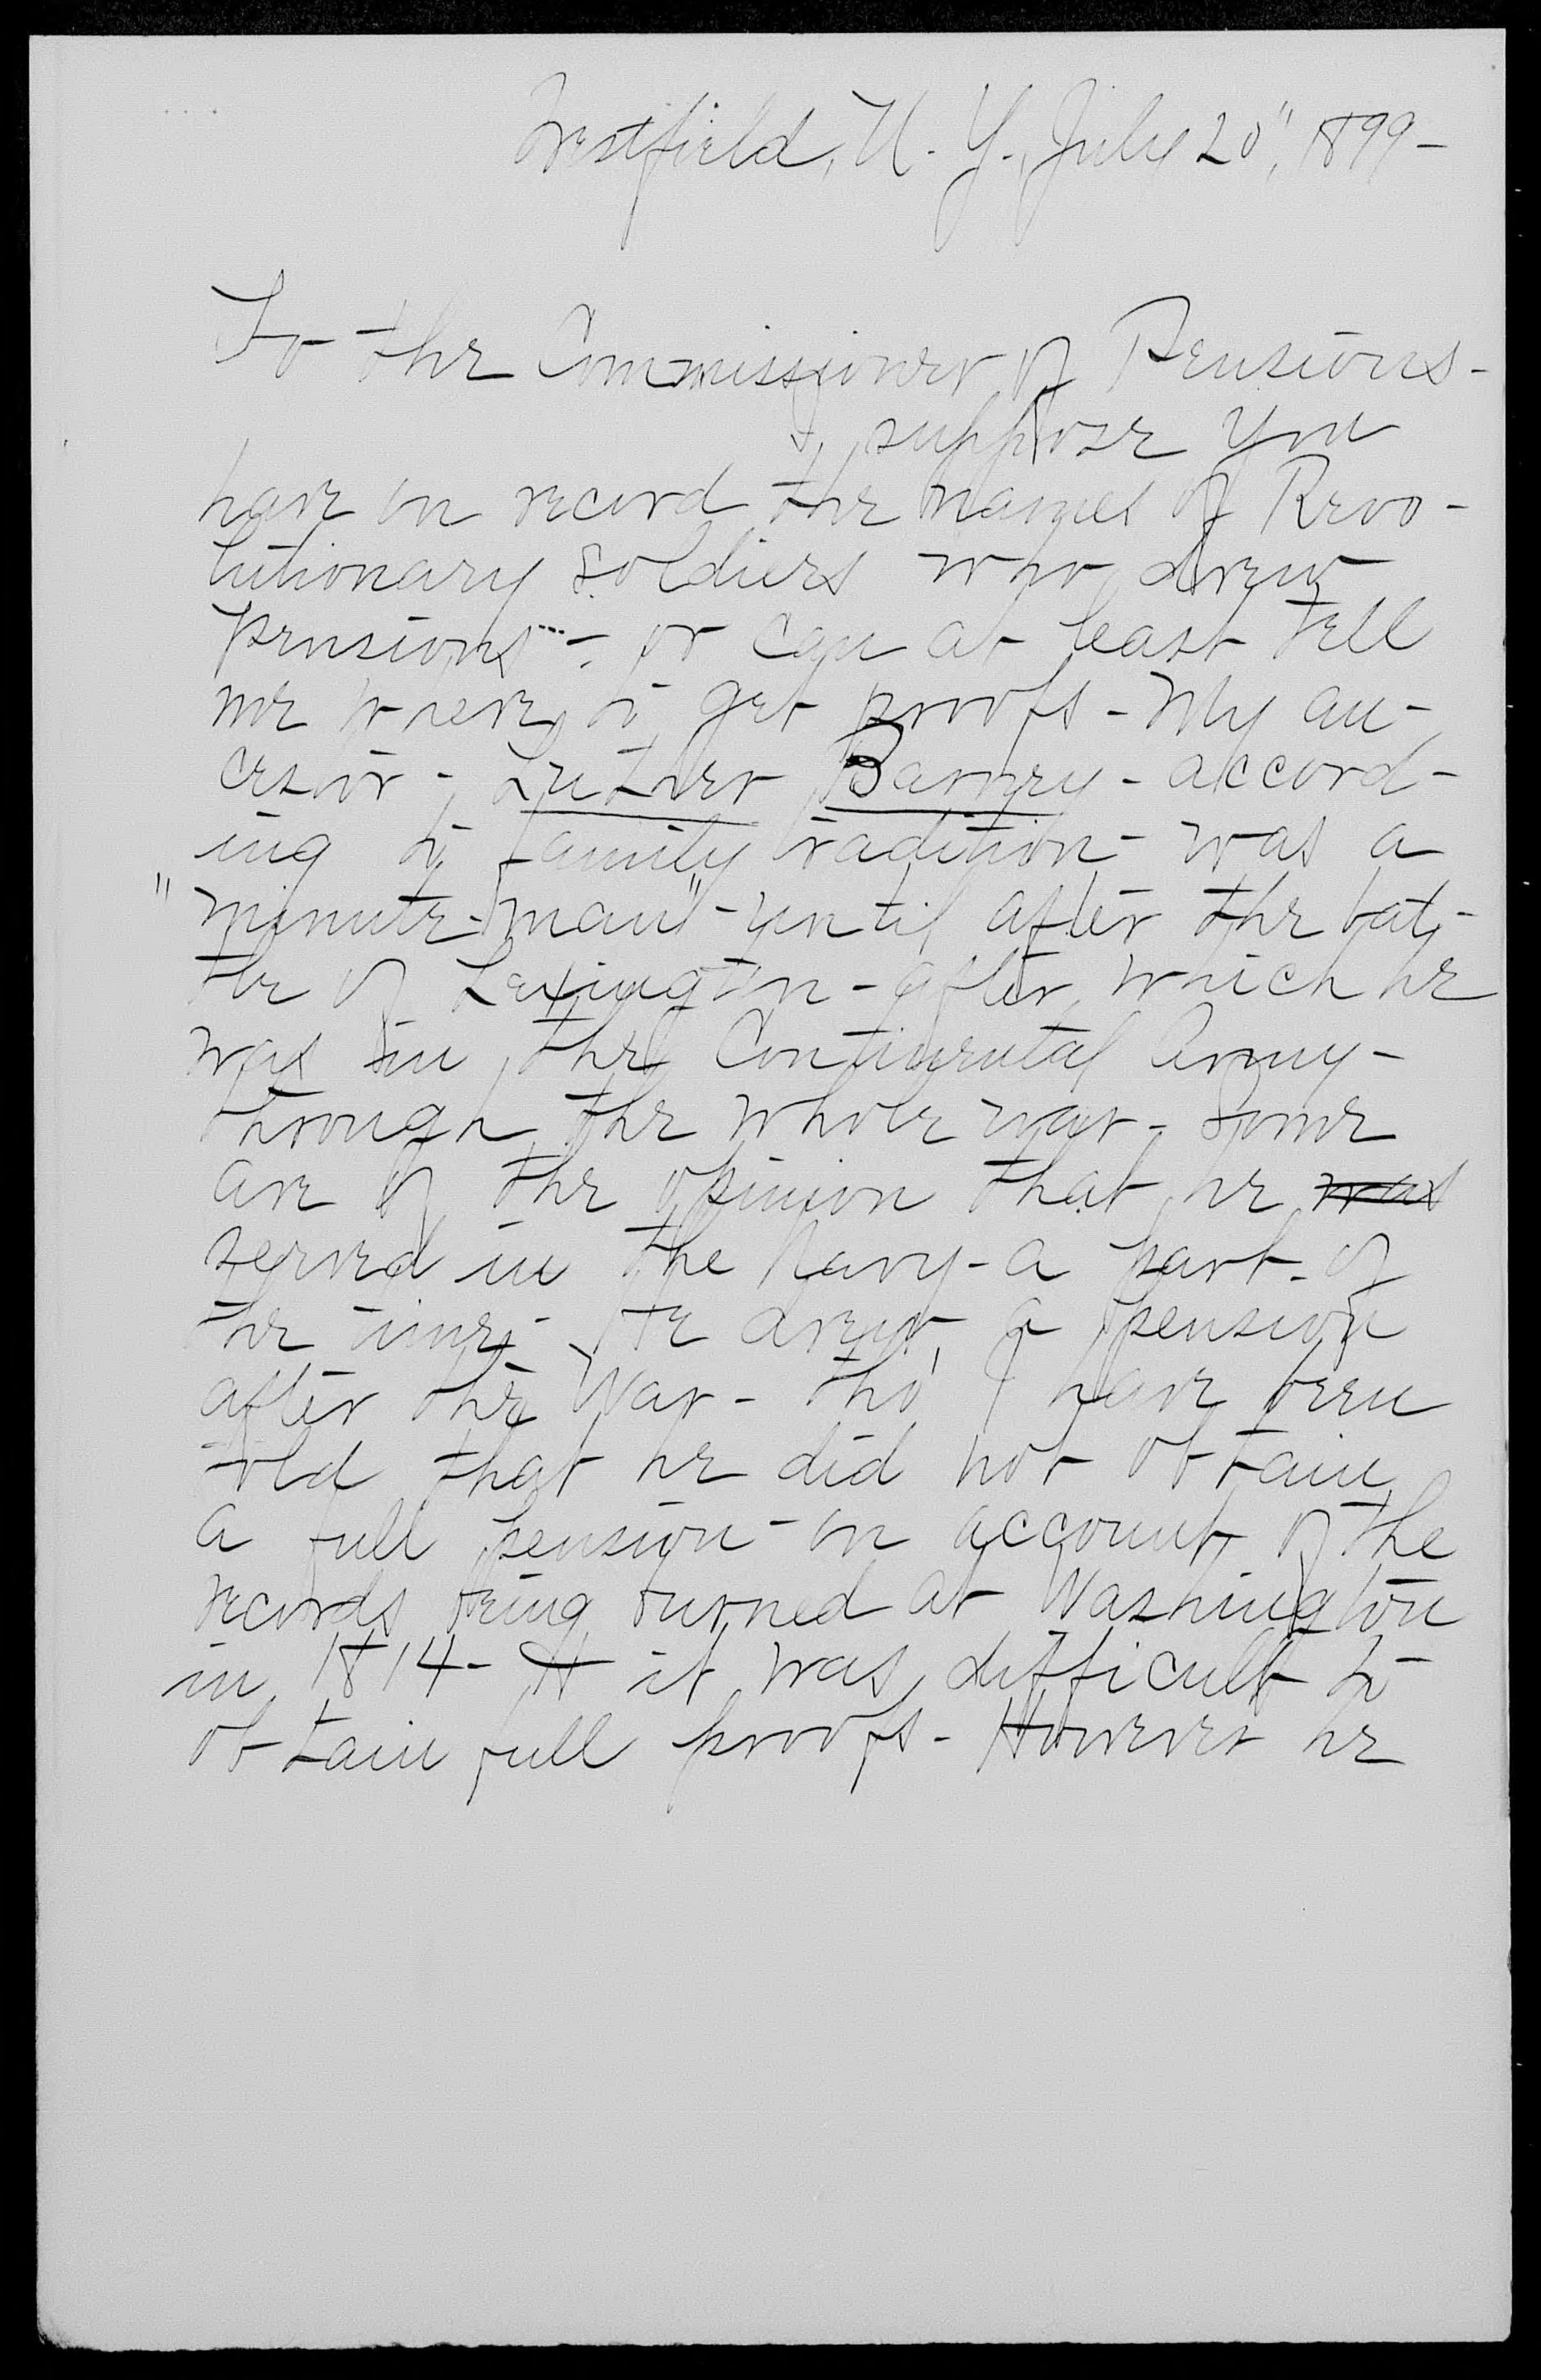Westfield, N.Y. July 20th, 1899.
To the Commissioner of Pensions -
I suppose you have on record the name of Revolutionary soldiers who drew pensions, or can at least tell me where to get proofs. My ancestor, Luther Barney [underlined] - according to family tradition was a "minute-man" until after the battle of Lexington - after which he was in the Continental Army - through the whole war. Some are of the opinion the was [crossed out] served in the Navy - a part of the time. He drew a pension after the war - Tho' I have been told that he did not obtain a full pension on account of the records being burned at Washington in 1814 & it was difficult to obtain full proofs. However he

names: Luther Barney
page: 52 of 61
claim: widow's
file: W. 4.124, Luther Barney, Conn. Privateer.